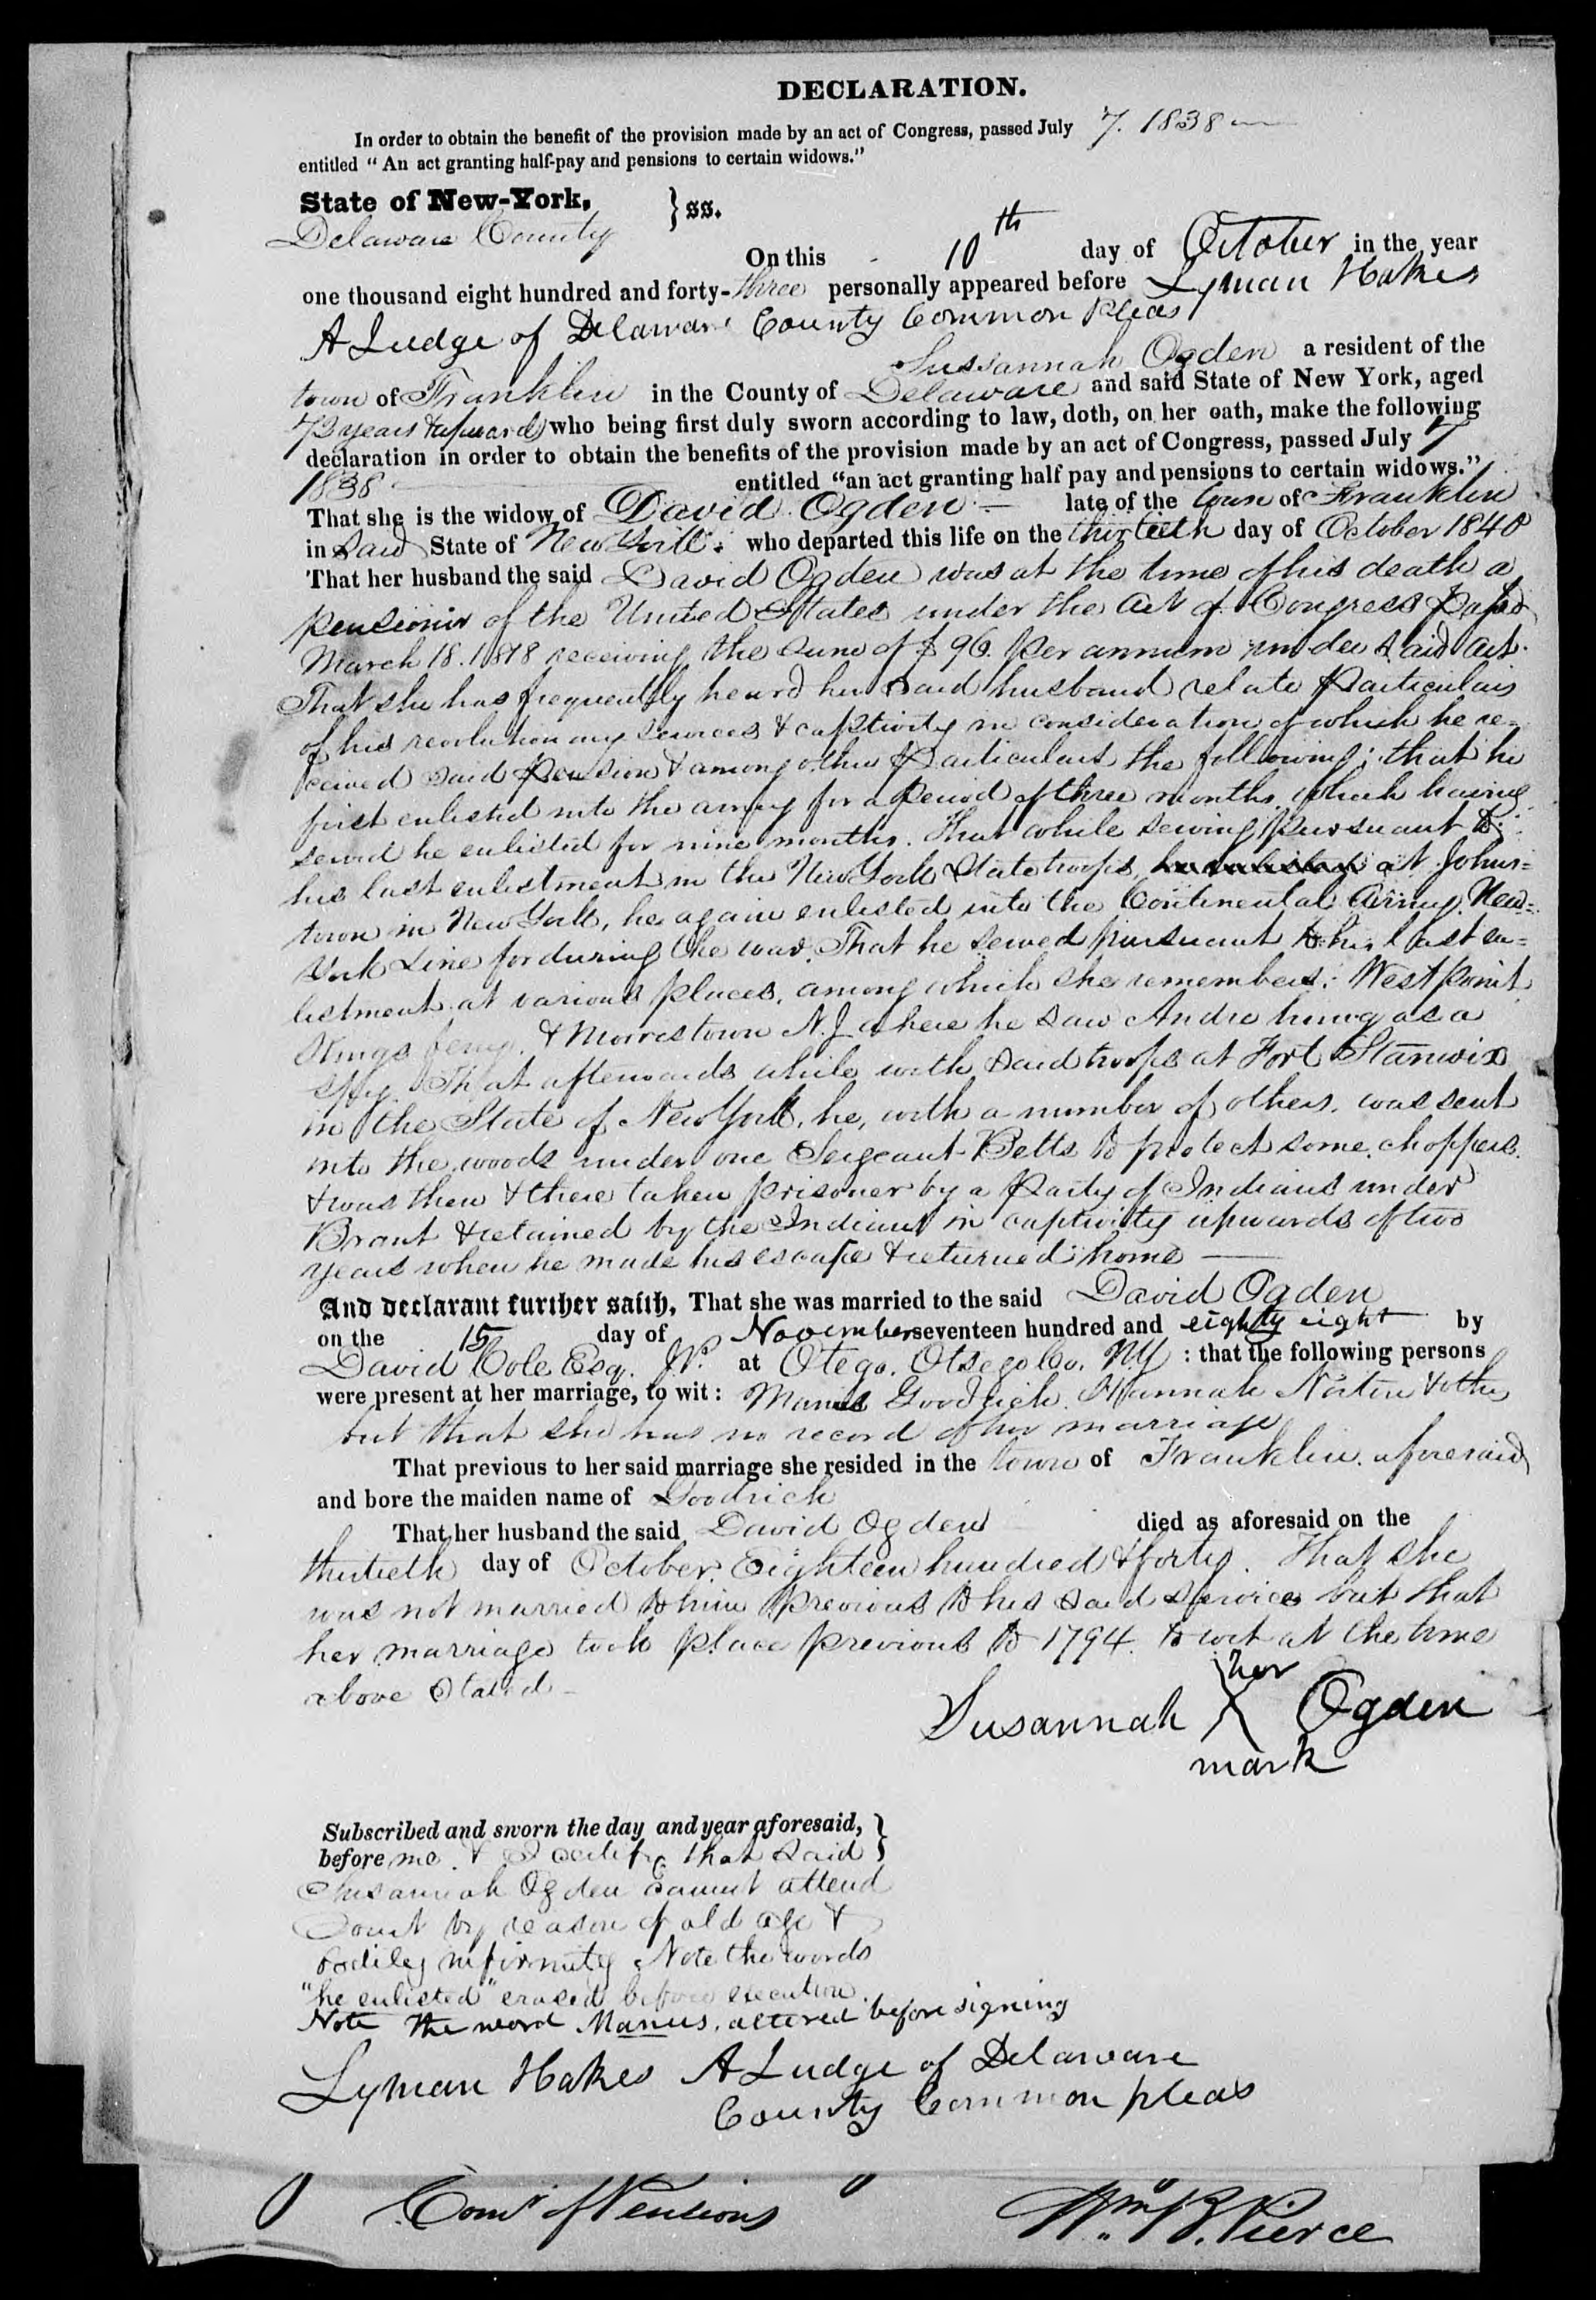DECLARATION.
In order to obtain the benefit of the provision made by an act of Congress, passed July 7, 1838 ---
entitled "An act granting half-pay and pensions to certain widows."

State of New-York,}
Delaware County} SS.

On this 10th day of October in the year
one thousand eight hundred and forty-three personally appeared before Lyman Hakes
A Judge of Delaware County Common Pleas Susannah Ogden a resident of the
town of Franklin in the County of Delaware and said State of New York, aged
73 years & upward, who being first duly sworn according to law, doth, on her oath, make the following
declaration in order to obtain the benefits of the provision made by an act of Congress, passed July 7
1838 --- entitled ""an act granting half pay and pensions to certain widows."
That she is the widow of David Ogden, late of the town of Franklin 
in said State of New York, who departed this life on the thirtieth day of October 1840
That her husband the said David Ogden was at the time of his death a
pensioner of the United States under the Act of Congress passed
March 18. 1818 receiving the sum of $96. per annum under said Act.

That she has frequently heard her said husband relate particulars
of his revolutionary services & captivity in consideration of which he
received said pension & among others particulars the following; that he
first enlisted into the army for a period of three months, which having
served he enlisted for nine months. That while serving pursuant to 
his last enlistment in the New York State troops, [crossed out: he enlisted] at 
Johnstown in New York, he again enlisted into the Continental Army New
York Line for during the war.  That he served pursuant to his last
enlistment at various places, among which she remembered: West Point, 
Kings ferry, & Morristown N.J. where he saw Andre hung as a spy.
That afterwards, while with Said troops at Fort Stanwix
in the State of New York, he, with a number of others, was sent
into the woods under one Sergeant Betts to protect some choppers
& was then & there taken prisoner by a party of Indians under
[Joseph] Brant & retained by the Indians in captivity upwards of two
years when he made his escape & returned home

And declarant further saith, That she was married to the said David Ogden
on the 15 day of November seventeen hundred and eighty eight by
David Cole Esq. J.P. at Otego, Otsego Co. N.Y:  that the following persons
were present at her marriage, to wit: Manus Goodrich, Hannah Norton & others 
but that she has no record of her marriage

That previous to her said marriage she resided in the town of Franklin, aforesaid
and bore the maiden name of Goodrich
That her husband the said David Ogden died as aforesaid on the
thirtieth day of October Eighteen hundred & forty. That she
was not married to him previous to his said service but that
her marriage took place previous to 1794 to wit at the time
above stated.
Susannah Ogden her [X] mark

Subscribed and sworn the day and year aforesaid,}
before me & I certify that said}
Susannah Ogden cannot attend
Court by reason of old age &
bodily infirmity Note the words
"he enlisted" erased before execution.
Note the word Manus, altered before signing

Lyman Hakes A Judge of Delaware
County Common pleas

[seen on a page beneath the current page]
Comr of Pensions
Wm. B. Pierce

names: Wm B Pierce; Lyman Hakes; David Ogden; Susannah Ogden; Hannah Norton; Maniel Goodrich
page: 11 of 40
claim: widow's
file: W. 24364, for David Ogden, New York